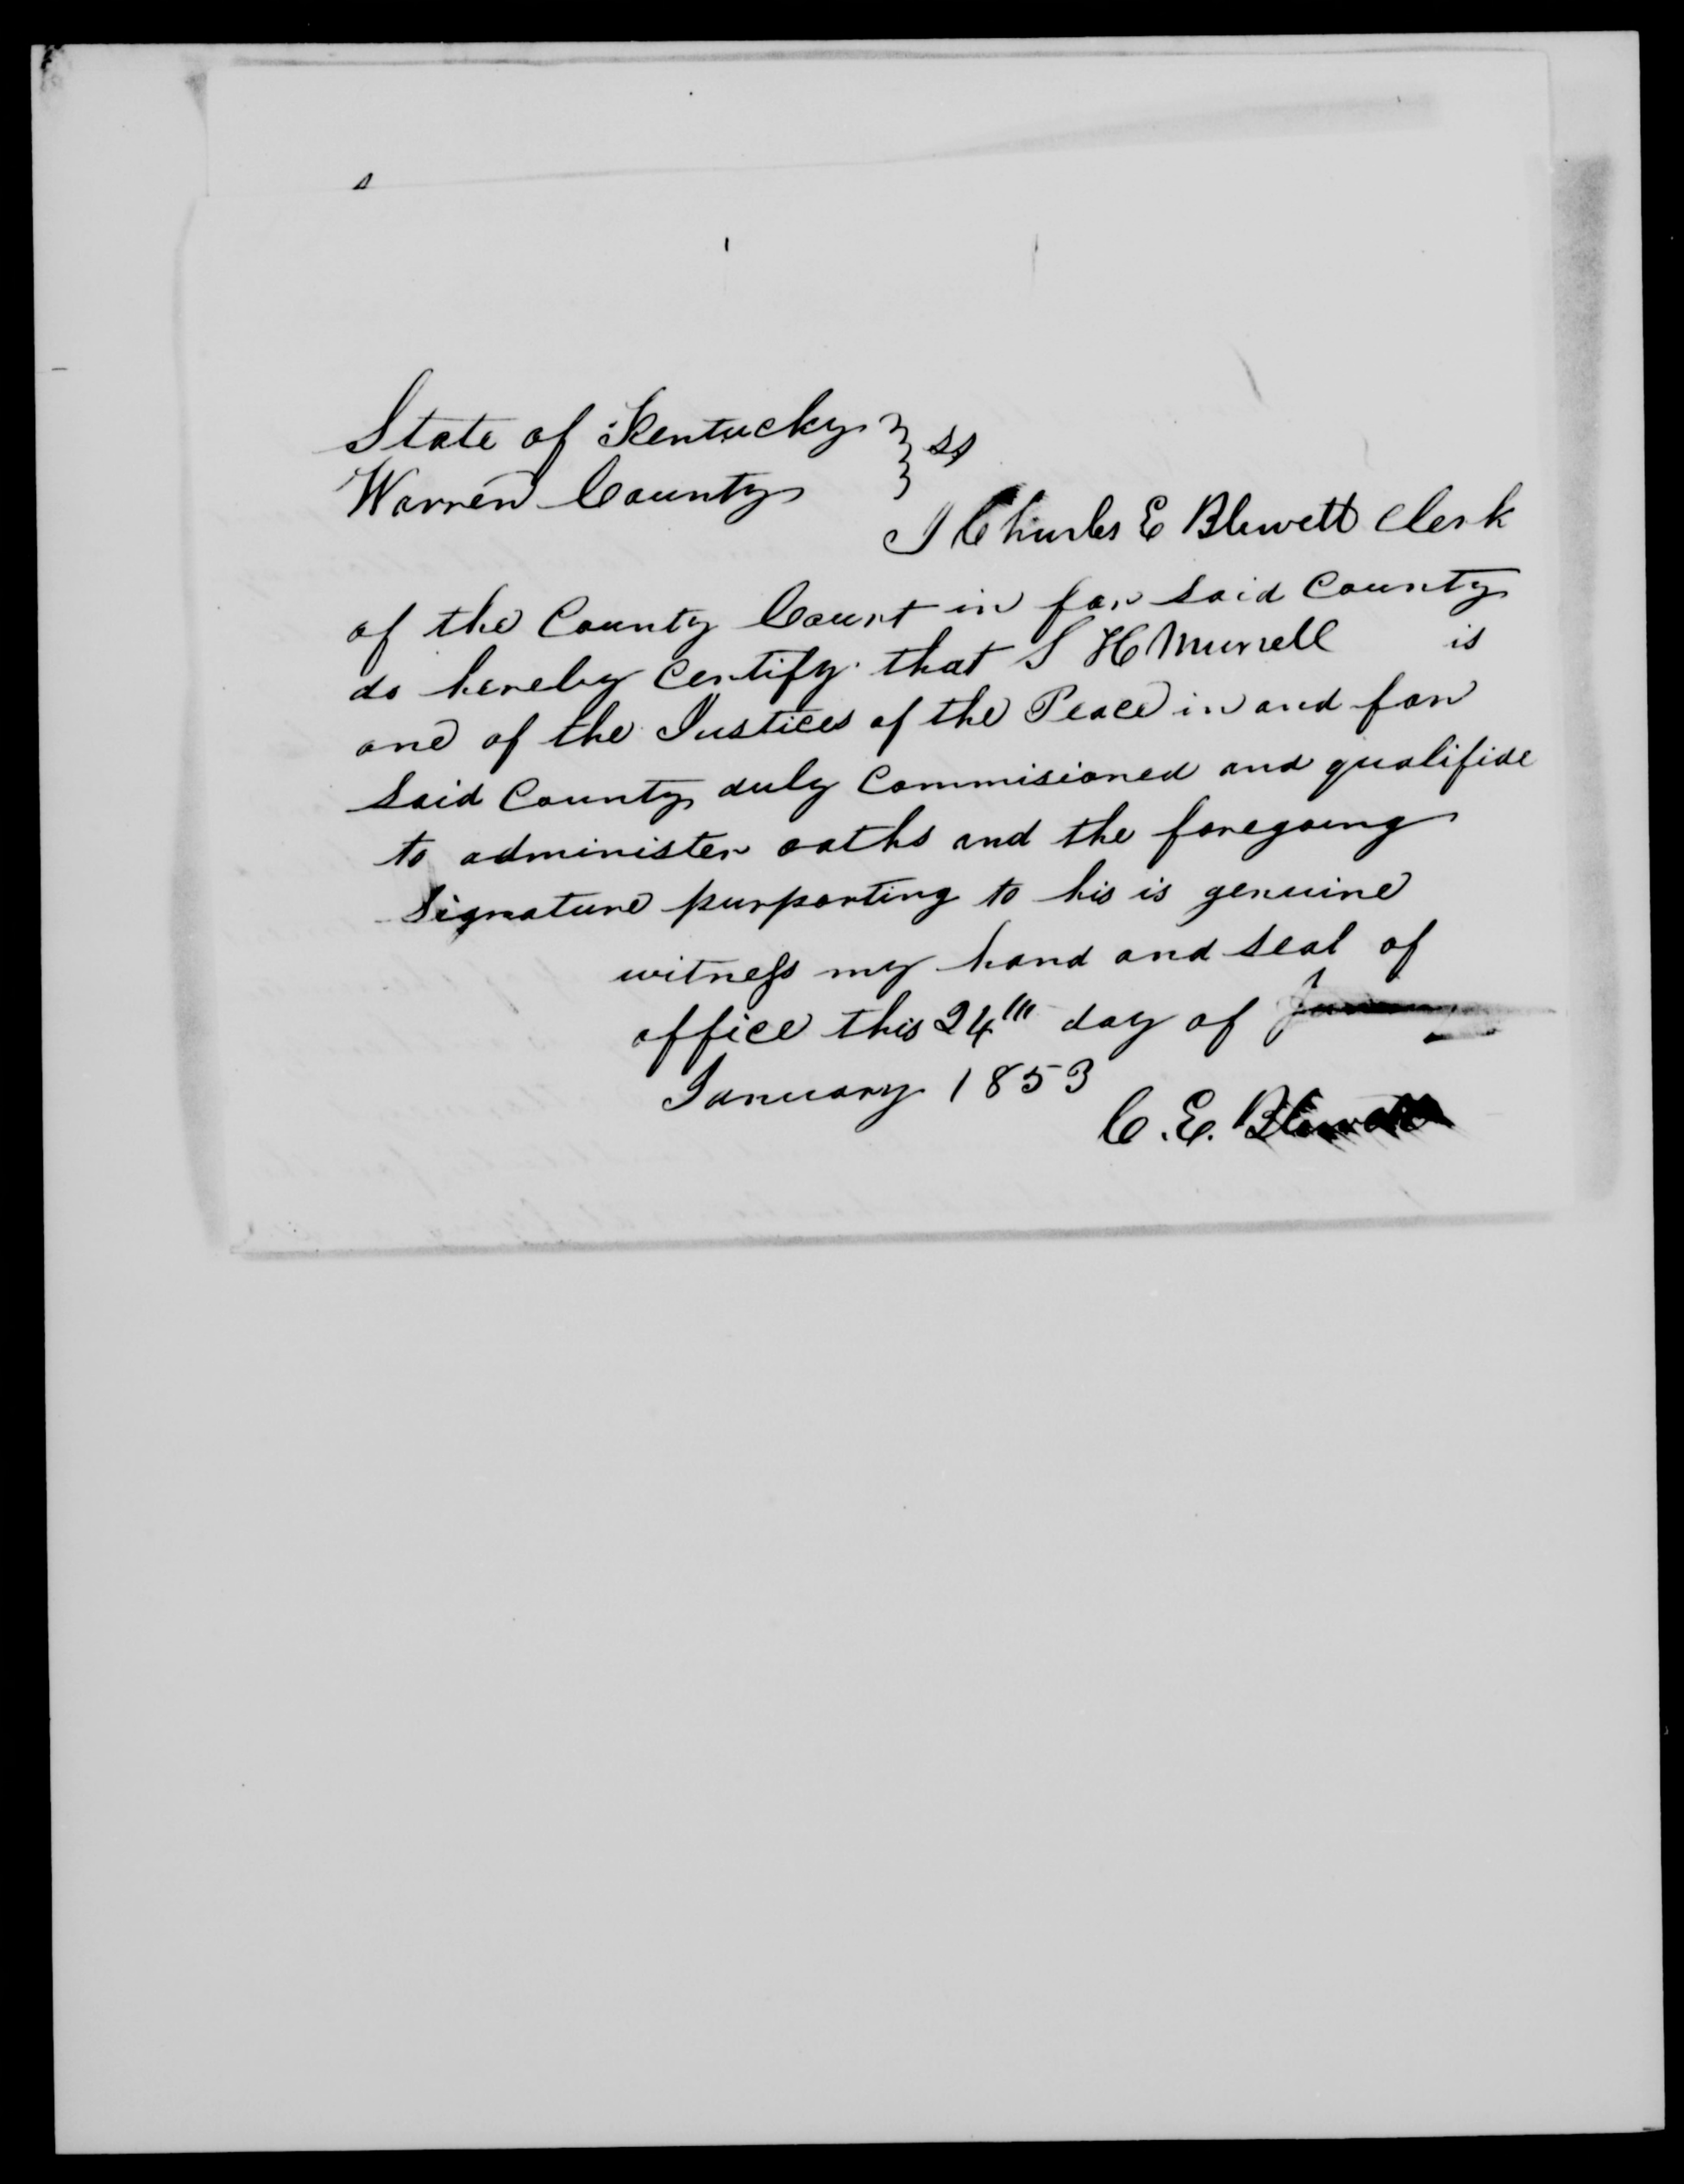State of Kentucky ⎬ ss
Warren County
I Charles E Blewett Clerk of the County Court in for said County do hereby certify that S H Murrell
is one of the Justices of the Peace in and for
said County duly commissioned and qualified
to administer oaths and the foregoing
signature purporting to his is genuine
witness my hand and seal of
office this 24th day of January 1853
C. E. Blewett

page: 55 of 99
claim: widow's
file: W 8766, for James Stevens, Virginia